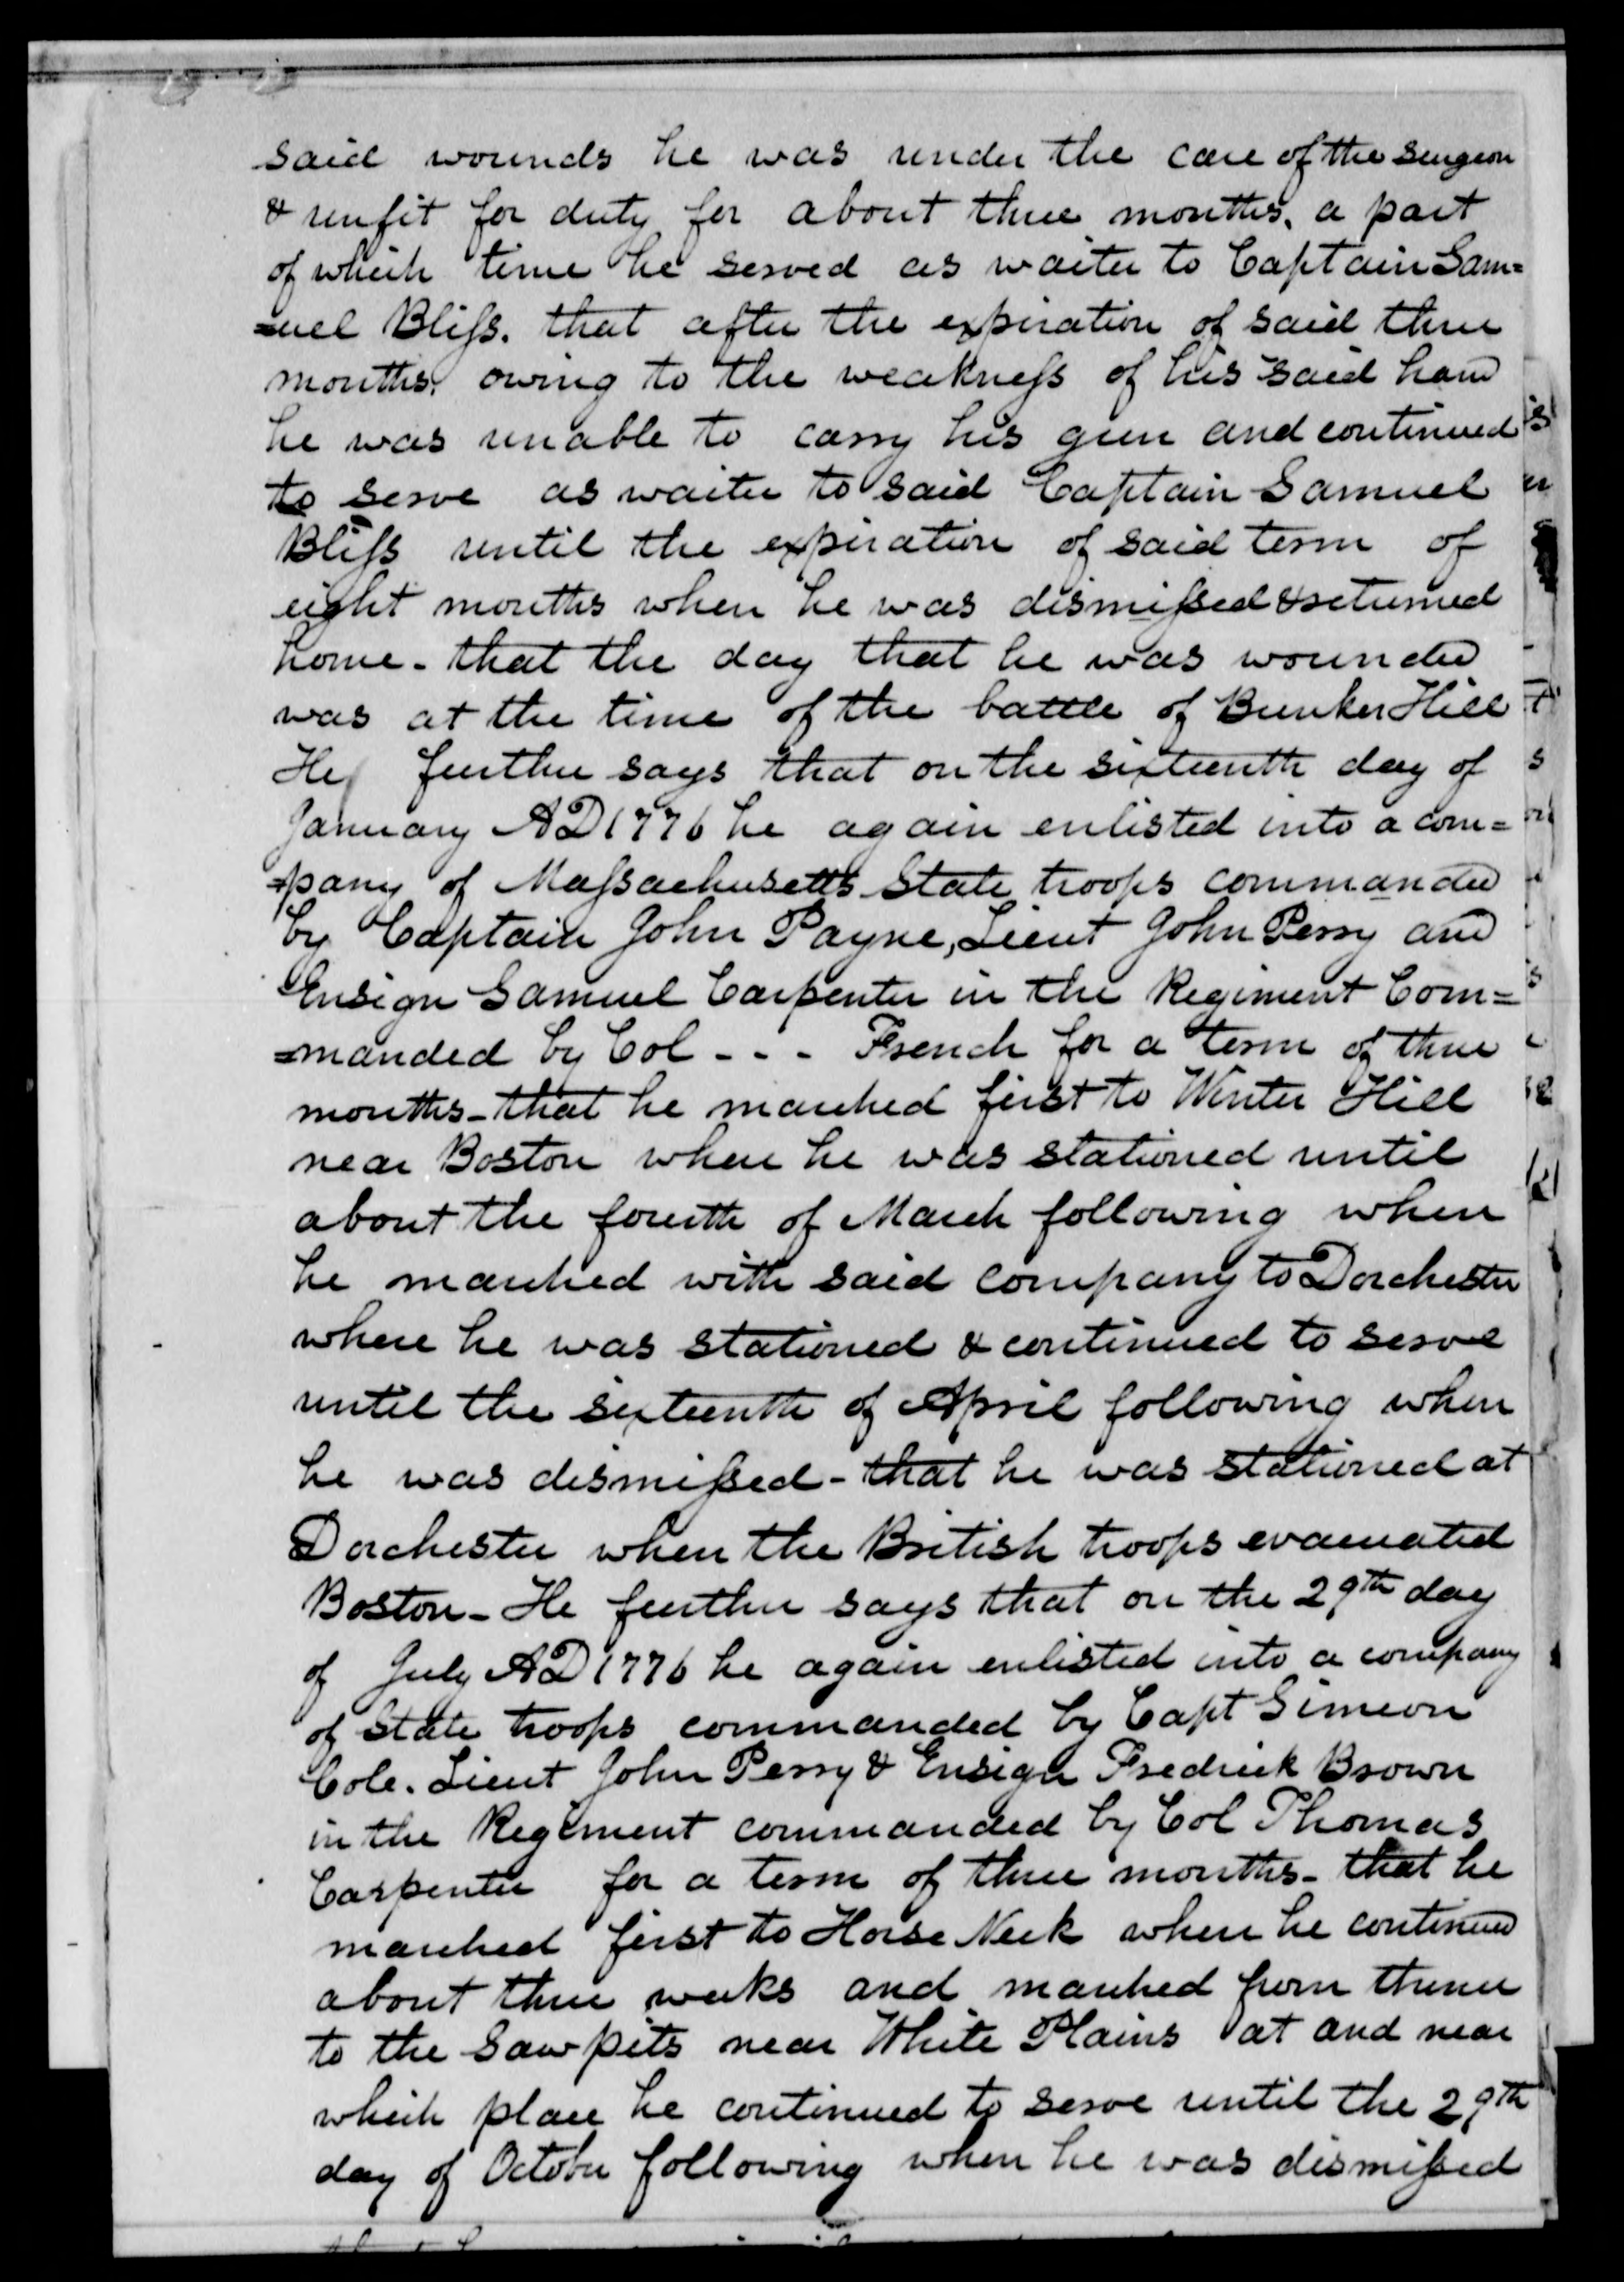said wounds he was under the care of the surgeon & unfit for duty for about three months, a part of which time he served as waiter to Captain Samuel Bliss. That after the expiration of said three months owing to the weakness of his said hand he was unable to carry his gib and continued to serve as waiter to said Captain Samuel Bliss until the expiration of said term of eight months when he was dismissed & returned home. that the day that he was wounded was at the time of the battle of Bunker Hill. He further says that on the sixteenth day of January A. D. 1776 he again enlisted into a company of Massachusetts State troops commanded by Captain John Payne, Lieut. John Perry and Ensign Samuel Carpenter in the Regiment commanded by Col. French for a term of three months. That he marched first to Winter Hill near Boston where he was stationed until about the 4th of March following when he marched with said company to Dorchester where he was stationed & continued to serve until the sixteenth of April following when he was dismissed. That he was stationed at Dorchester when the British troops evacuated Boston. He further says that on the 19th day of July A. D. he again enlisted into a company of state troops commanded by Capt. Simeon Cole, Lieut John Perry & Ensign Frederick Brown in the Regiment commanded by Col. Thomas Carpenter for a term of three months. That he marched first to Horse Neck where he continued about three weeks and marched from thence to the Sap pits near White Plains at and near which place he continued to serve until the 29th day of October following when he was dismmissed.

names: Samuel Carpenter, John Payne, French, John Perry, Simeon Cole, Fredrick Brown, Samuel Bliss, Thomas Carpenter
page: 7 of 98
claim: widow's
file: W. 1682, Valentine Wheeler, Mass.